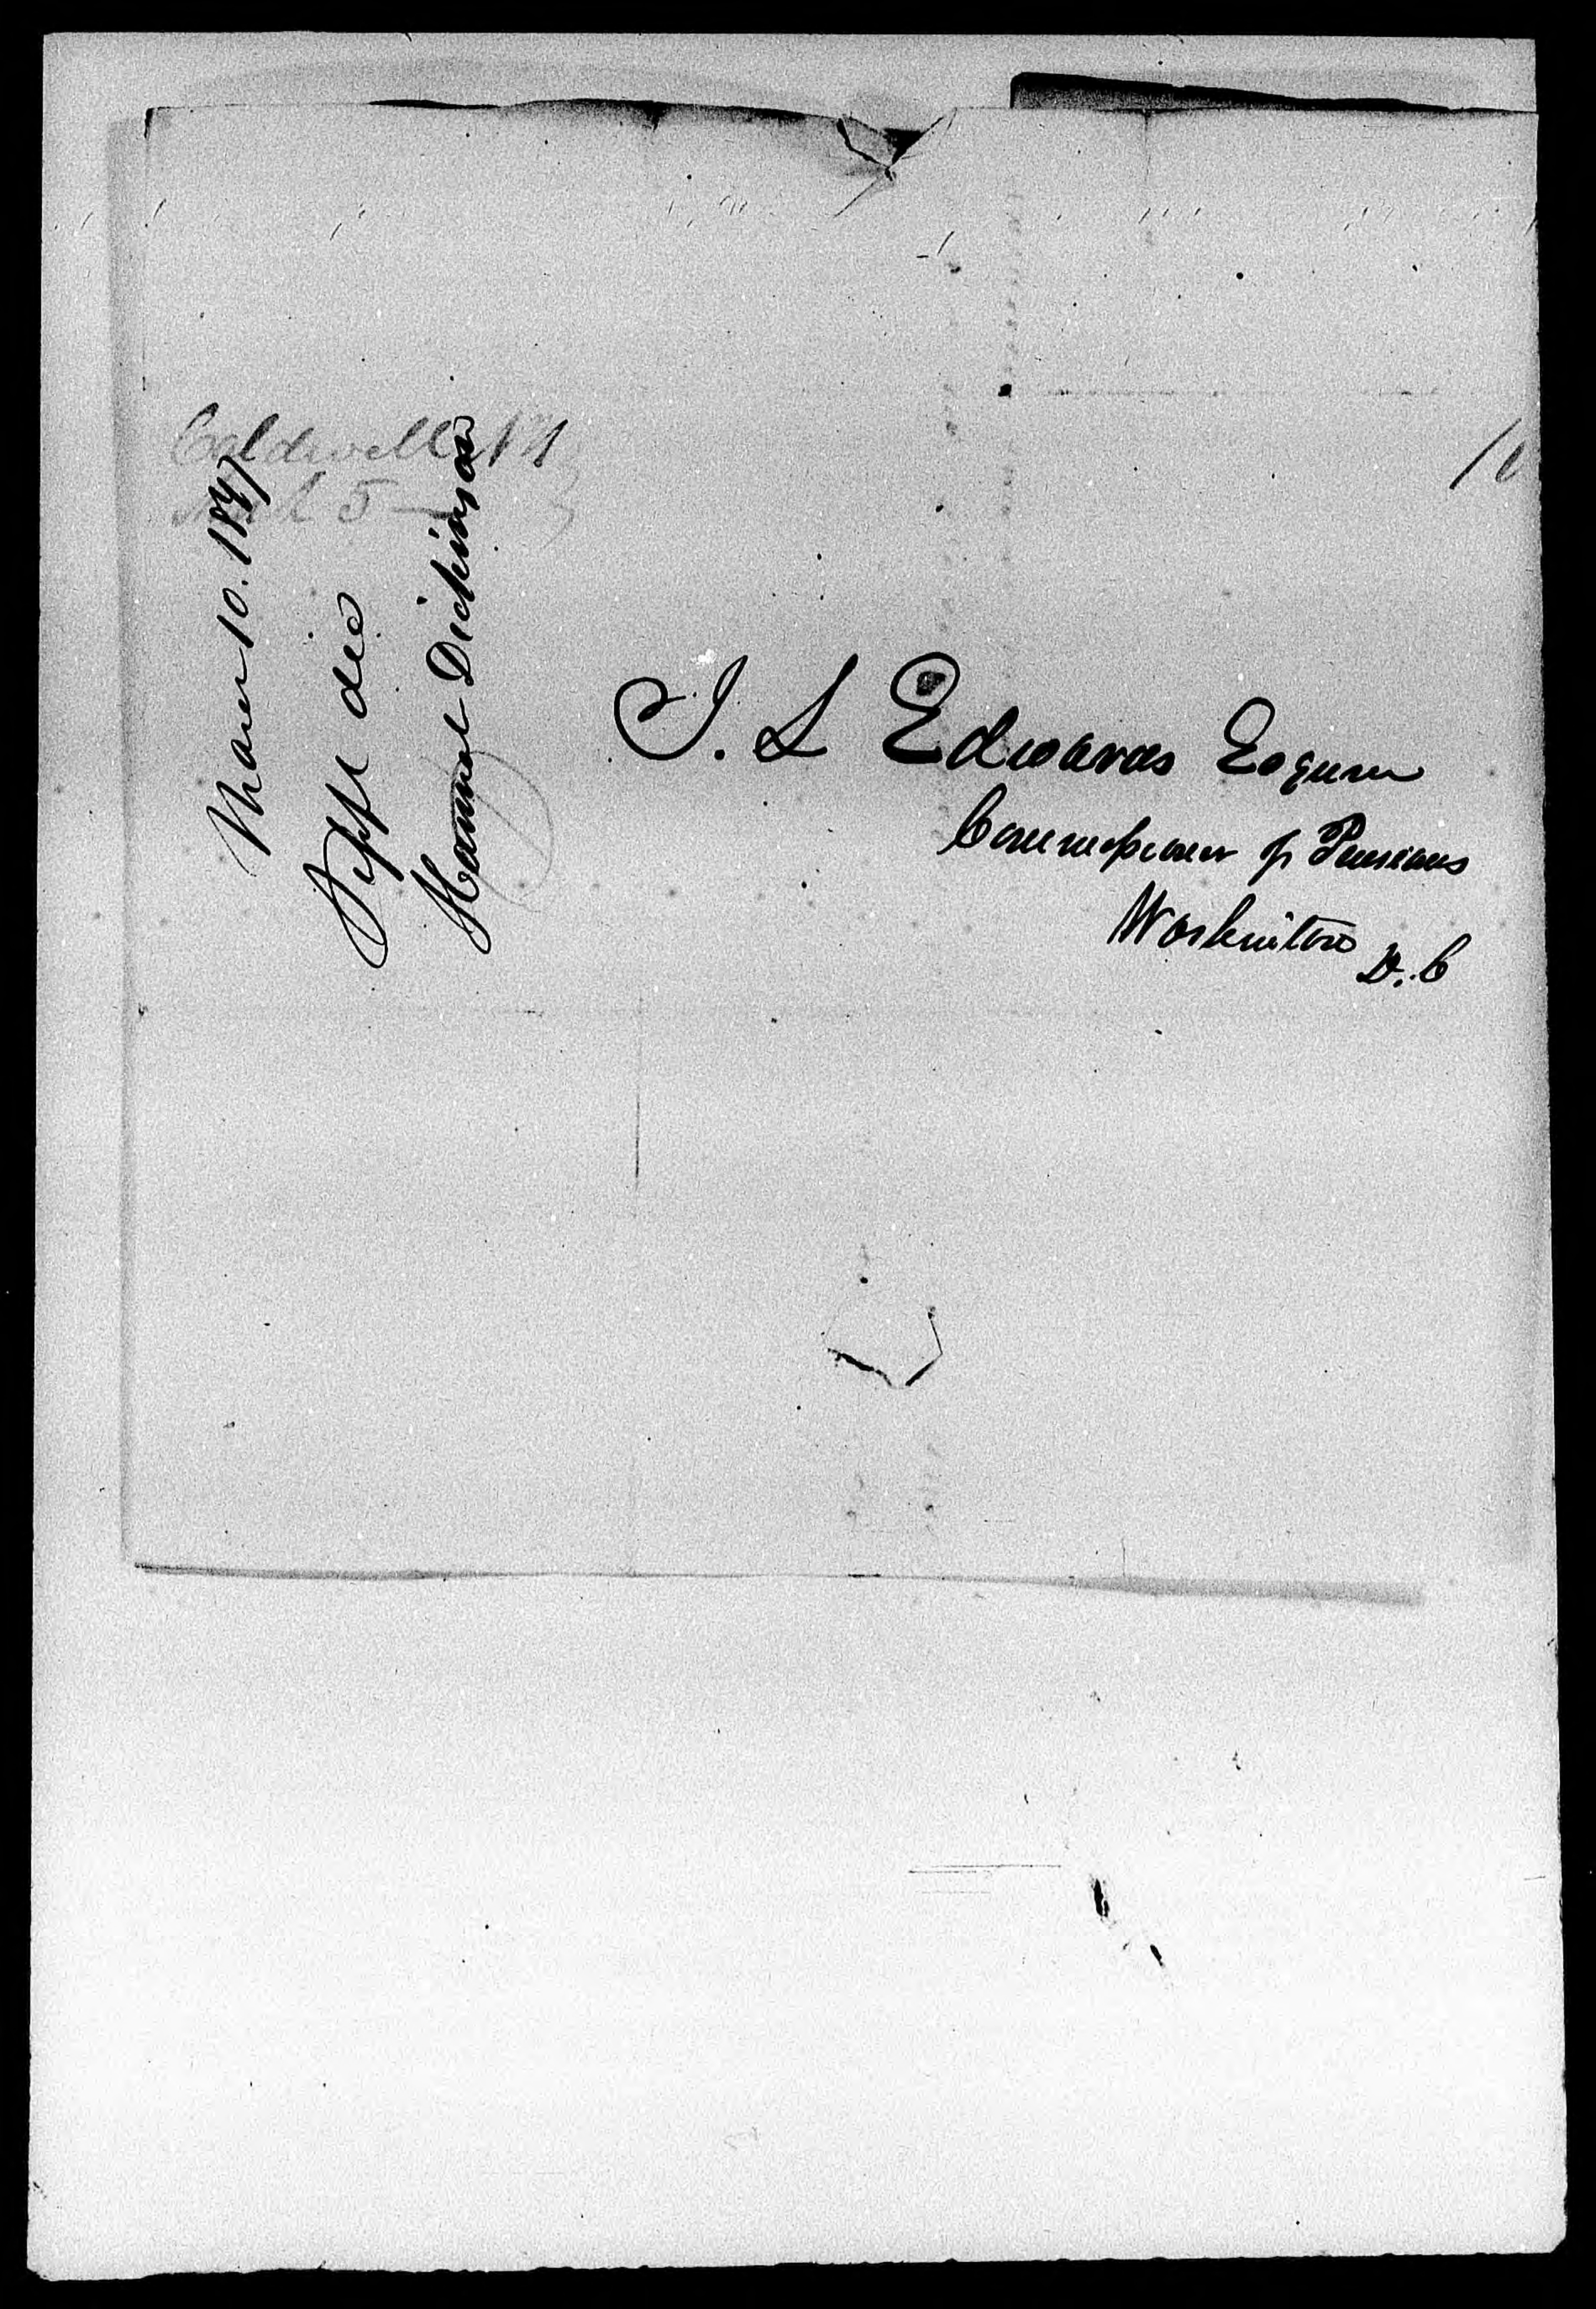March 10 1847
[illegible]
Hannah Dickinson


J.L. Edwards Esquire
Commissioner of Pensions
Washington D.C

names: J L Edwards, Hannah Dickinson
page: 43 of 60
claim: widow's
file: W 16,955, Samuel Dickinson, Conn.